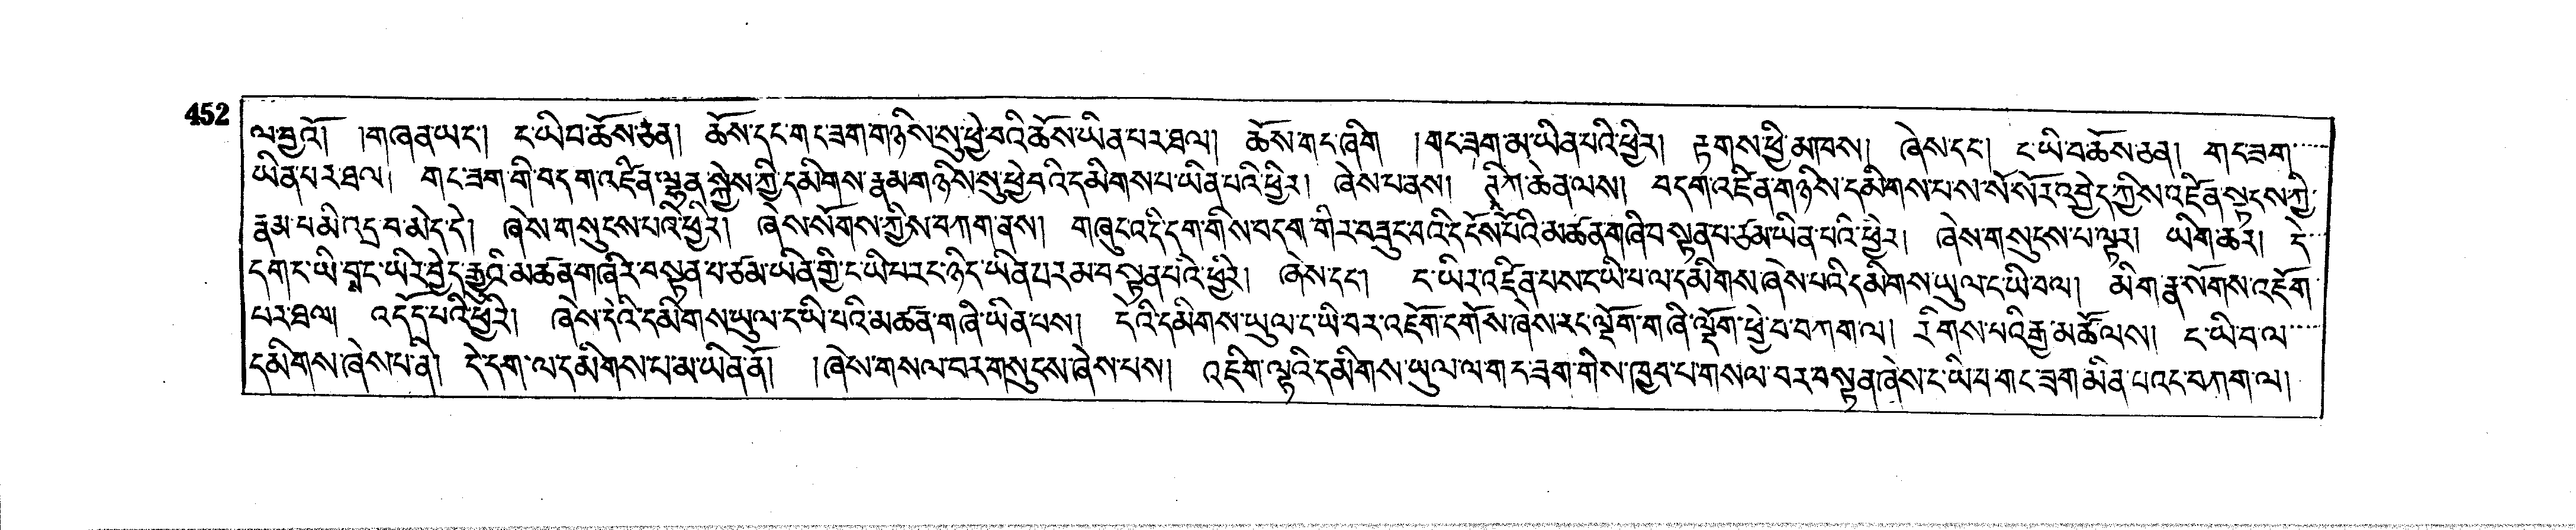ལ་བྱའོ། །གཞན་ཡང་། ང་ཡི་བ་ཆོས་ཅན། ཆོས་དང་གང་ཟག་གཉིས་སུ་ཕྱེ་བའི་ཆོས་ཡིན་པར་ཐལ། ཆོས་གང་ཞིག །གང་ཟག་མ་ཡིན་པའི་ཕྱིར། རྟགས་ཕྱི་མཁས། ཞེས་དང་། ང་ཡི་བ་ཆོས་ཅན། གང་ཟག་
ཡིན་པར་ཐལ། གང་ཟག་གི་བདག་འཛིན་ལྷན་སྐྱེས་ཀྱི་དམིགས་རྣམ་གཉིས་སུ་ཕྱེ་བའི་དམིགས་པ་ཡིན་པའི་ཕྱིར། ཞེས་པ་ནས། ཊཱིཀ་ཆེན་ལས། བདག་འཛིན་གཉིས་དམིགས་པས་སོ་སོར་འབྱེད་ཀྱིས་འཛིན་སྟངས་ཀྱི་
རྣམ་པ་མི་འདྲ་བ་མེད་དེ། ཞེས་གསུངས་པའི་ཕྱིར། ཞེས་སོགས་ཀྱིས་བཀག་ནས། གཞུང་འདི་དག་གིས་བདག་གིར་བཟུང་བའི་དངོས་པོའི་མཚན་གཞི་བསྟན་པ་ཙམ་ཡིན་པའི་ཕྱིར། ཞེས་གསུངས་པ་ལྟར། ཡིག་ཆར། དེ་
དག་ང་ཡི་བས་ང་ཡིར་བྱེད་རྒྱུའི་མཚན་གཞིར་བསྟན་པ་ཙམ་ཡིན་གྱི་ང་ཡི་པ་རང་ཉིད་ཡིན་པར་མ་བསྟན་པའི་ཕྱིར། ཞེས་དང་། ང་ཡིར་འཛིན་པས་ང་ཡི་པ་ལ་དམིགས་ཞེས་པའི་དམིགས་ཡུལ་ང་ཡི་བ་ལ། མིག་རྣ་སོགས་འཇོག་
པར་ཐལ། འདོད་པའི་ཕྱིར། ཞེས་དེའི་དམིགས་ཡུལ་ང་ཡི་པའི་མཚན་གཞི་ཡིན་པས། དེའི་དམིགས་ཡུལ་ང་ཡི་བར་འཇོག་དགོས་ཞེས་རང་ལྡོག་གཞི་ལྡོག་ཕྱེ་བ་བཀག་ལ། རིགས་པའི་རྒྱ་མཚོ་ལས། ང་ཡི་བ་ལ་
དམིགས་ཞེས་པ་ནི། དེ་དག་ལ་དམིགས་པ་མ་ཡིན་ནོ། །ཞེས་གསལ་བར་གསུངས་ཞེས་པས། འཇིག་ལྟའི་དམིགས་ཡུལ་ལ་གང་ཟག་གིས་ཁྱབ་པ་གསལ་བར་བསྟན་ཞེས་ང་ཡི་པ་གང་ཟག་མིན་པའང་བཀག་ལ།